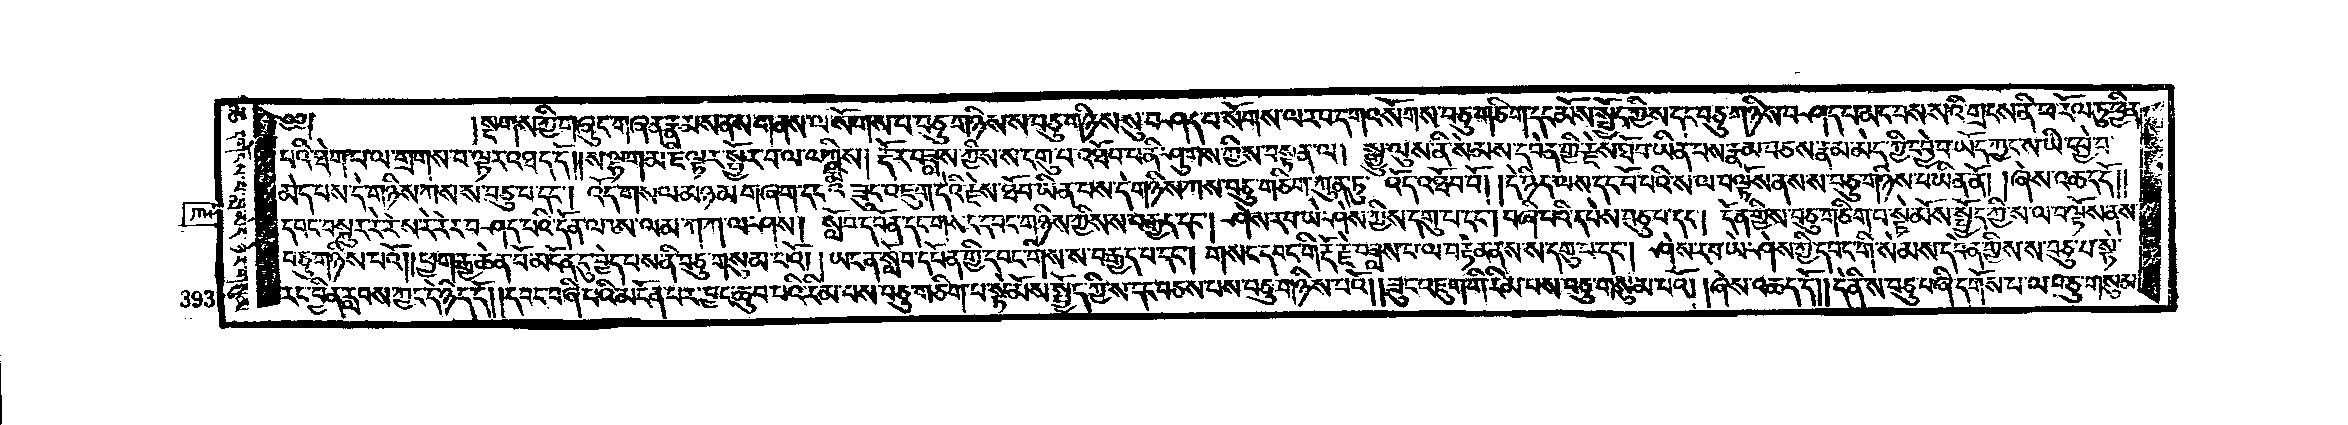༄༅། །སྔགས་ཀྱི་གཞུང་གཞན་རྣམས་ནས་གནས་ལ་སོགས་པ་བཅུ་གཉིས་ས་བཅུ་གཉིས་སུ་བཤད་པ་སོགས་ལ་རབ་དགའ་སོགས་བཅུ་གཅིག་དང་མོས་སྤྱོད་ཀྱི་ས་དང་བཅུ་གཉིས་བཤད་པ་མང་བས་སའི་གྲངས་ནི་ཕ་རོལ་ཏུ་ཕྱིན་
པའི་ཐེག་པ་ལ་གྲགས་བ་ལྟར་འཐད་དོ། །ས་ལྷག་མ་ཇི་ལྟར་སྦྱོར་བ་ལ་ལཀྵྨཱིས། རྡོར་བཟླས་ཀྱིས་ས་དགུ་པ་འཐོབ་པ་ནི་ཤུགས་ཀྱིས་བསྟན་ལ། སྒྱུ་ལུས་ནི་སེམས་དབེན་གྱི་རྗེས་ཐོབ་ཡིན་པས་རྣམ་བཅས་རྣམ་མེད་ཀྱི་དབྱེ་བ་ཡོད་ཀྱང་ས་ཡི་དབྱེ་བ་
མེད་པས་དེ་གཉིས་ཀས་ས་བཅུ་པ་དང་། འོད་གསལ་མཉམ་གཞག་དང་ཟུང་འཇུག་དེའི་རྗེས་ཐོབ་ཡིན་པས་དེ་གཉིས་ཀས་བཅུ་གཅིག་ཀུན་ཏུ་འོད་འཐོབ་བོ། །དེ་ཉིད་ལས་དང་པོ་པའི་ས་ལ་བལྟོས་ནས་ས་བཅུ་གཉིས་པ་ཡིན་ནོ། །ཞེས་འཆད་དོ། །
དབང་བསྐུར་རེ་རེ་ས་རེ་རེར་བཤད་པའི་དོན་ལ་ཨ་ལམ་ཀ་ཀ་ལ་ཤས། སློབ་དཔོན་དང་གསང་དབང་གཉིས་ཀྱིས་ས་བརྒྱད་དང་། ཤེས་རབ་ཡེ་ཤེས་ཀྱིས་དགུ་པ་དང་། བཞི་པའི་དཔེས་བཅུ་པ་དང་། དོན་གྱིས་བཅུ་གཅིག་པ་སྟེ་མོས་སྤྱོད་ཀྱི་ས་ལ་བལྟོས་ནས་
བཅུ་གཉིས་པའོ། །ཕྱག་རྒྱ་ཆེན་པོ་མངོན་དུ་བྱེད་པས་ནི་བཅུ་གསུམ་པའོ། །ཡང་ན་སློབ་དཔོན་གྱི་དབང་གིས་ས་བརྒྱད་པ་དང་། གསང་དབང་གི་རྡོ་རྗེ་བཟླས་པ་ལ་བརྟེན་ནས་ས་དགུ་པ་དང་། ཤེས་རབ་ཡེ་ཤེས་ཀྱི་དབང་གི་སེམས་དབེན་གྱིས་ས་བཅུ་པ་སྟེ་
རང་བྱིན་རླབས་ཀྱང་དེ་ཉིད་དོ། །དབང་བཞི་པའི་མངོན་པར་བྱང་ཆུབ་པའི་རིམ་པས་བཅུ་གཅིག་པ་སྟེ་མོས་སྤྱོད་ཀྱི་ས་དང་བཅས་པས་བཅུ་གཉིས་པའོ། །ཟུང་འཇུག་གི་རིམ་པས་བཅུ་གསུམ་པའོ། །ཞེས་འཆད་དོ། །དེ་ནི་ས་བཅུ་བཞི་དགོས་པ་ལ་བཅུ་གསུམ་